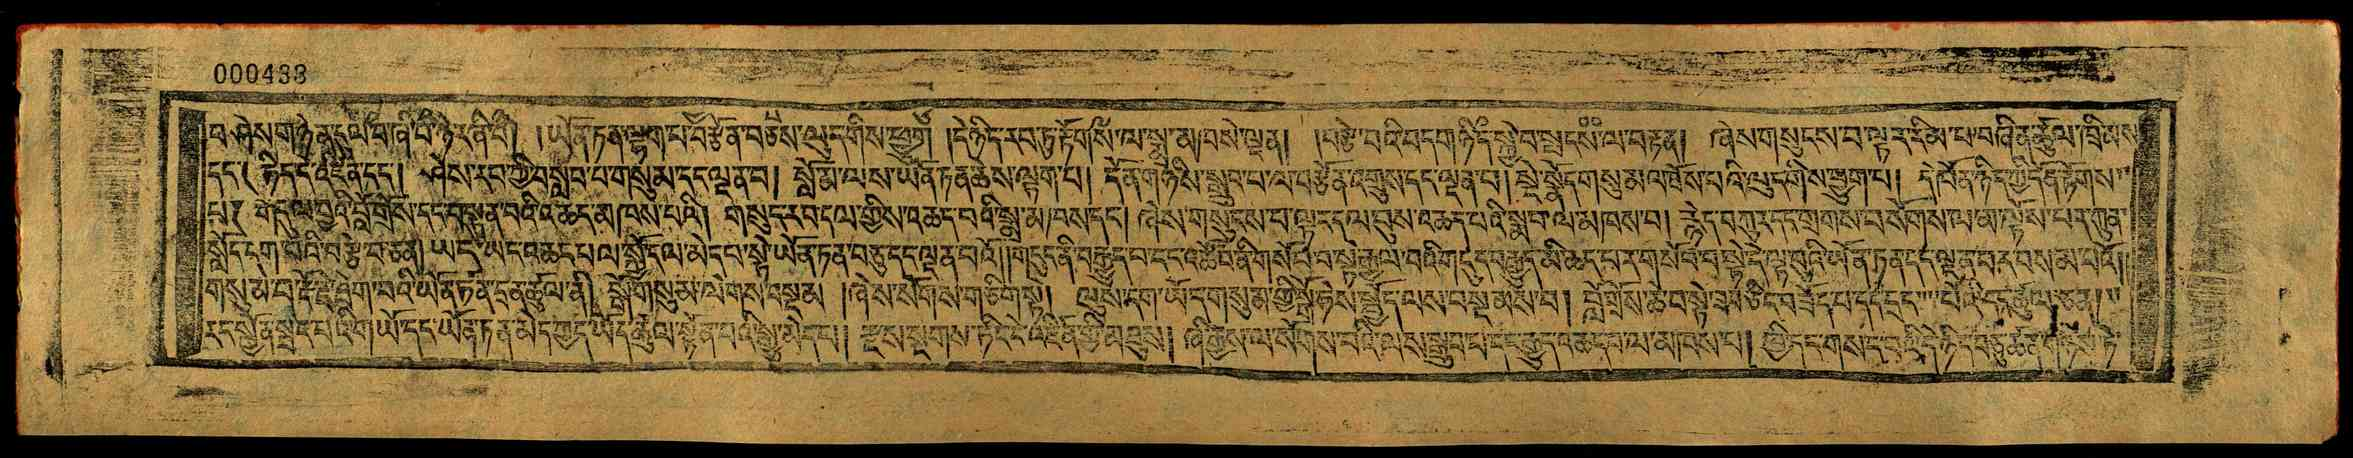བཤེས་གཉེན་དུལ་བ ༡་ཞི་བ ༢་ཉེར་ཞི་བ ༣། །ཡོན་ཏན་ལྷག་པ ༤་བརྩོན་བཅས ༥་ལུང་གིས་ཕྱུག ༦་།དེ་ཉིད་རབ་ཏུ་རྟོགས་~་ལ་སྨྲ་མཁས ༨་ལྡན། །བརྩེ་བའི་བདག་ཉིད ༩་སྐྱོ་བ་སྤངས ༡༠་ལ་བརྟེན། །ཞེས་གསུངས་པ་ལྟར་རིམ་པ་བཞིན་ཚུལ་ཁྲིམས་
དང༑ ཏིང་ངེ་འཛིན་དང་། ཤེས་རབ་ཀྱི་བསླབ་པ་གསུམ་དང་ལྡན་པ། སློབ་མ་ལས་ཡོན་ཏན་ཆེས་ལྷག་པ། དོན་གཉིས་སྒྲུབ་པ་ལ་བརྩོན་འགྲུས་དང་ལྡན་པ། སྡེ་སྣོད་གསུམ་ལ་ཐོས་པའི་ལུང་གིས་ཕྱུག་པ། དེ་ཁོ་ན་ཉིད་ཀྱི་དོན་རྟོགས་
པ༑ གདུལ་བྱའི་བློ་གྲོས་དང་བསྟུན་པའི་འཆད་མཁས་པའི། གསུང་རབ་དལ་གྱིས་འཆད་པའི་སྨྲ་མཁས་དང་། ཞེས་གསུངས་པ་ལྟར་དལ་བུས་འཆད་པའི་སྨྲ་བ་ལ་མཁས་པ། རྙེད་བཀུར་དང་གྲགས་པ་སོགས་ལ་མ་ལྟོས་པར་ཀུན་
སློང་དག་པའི་བརྩེ་བ་ཅན། ཡང་ཡང་འཆད་པ་ལ་སྐྱོ་ངལ་མེད་པ་སྟེ་ཡོན་ཏན་བཅུ་དང་ལྡན་པའོ། །གདུང་ནི་བརྒྱུད་པ་དང་འཚོ་བ་ནི་གསོབ་པ་སྟེ་རྒྱལ་བའི་གདུང་བརྒྱུད་མི་ཆད་པར་གསོབ་པ་སྟེ་དེ་ལྟ་བུའི་ཡོན་ཏན་དང་ལྡན་པར་བསམ་པའོ། །
གསུམ་པ་རྡོ་རྗེ་ཐེག་པའི་ཡོན་ཏན་དྲན་ཚུལ་ནི། སྒོ་གསུམ་ལེགས་བསྡམ་།ཞེས་སོགས་གཅིག་སྟེ། ལུས་ངག་ཡིད་གསུམ་གྱི་སྒོ་ཉེས་སྤྱོད་ལས་བསྡམས་པ། བློ་གྲོས་ཆེ་བ་སྟེ་ཟབ་ཅིང་བཟོད་པ་དང་དྲང་པོའི་ངང་ཚུལ་ཅན།
རང་སྐྱོན་སྤང་པའི་གཡོ་དང་ཡོན་ཏན་མེད་ཀྱང་ཡོད་ཚུལ་སྟོན་པའི་སྒྱུ་མེད་པ། རྫས་སྔགས་ཏིང་ངེ་འཛིན་གྱི་མཐུས། ཞི་རྒྱས་ལ་སོགས་པའི་ལས་སྒྲུབ་པ་དང་རྒྱུད་འཆད་པ་ལ་མཁས་པ། ཕྱི་དང་གསང་བའི་དེ་ཉིད་བཅུ་ཚན་གཉིས་ཏེ་